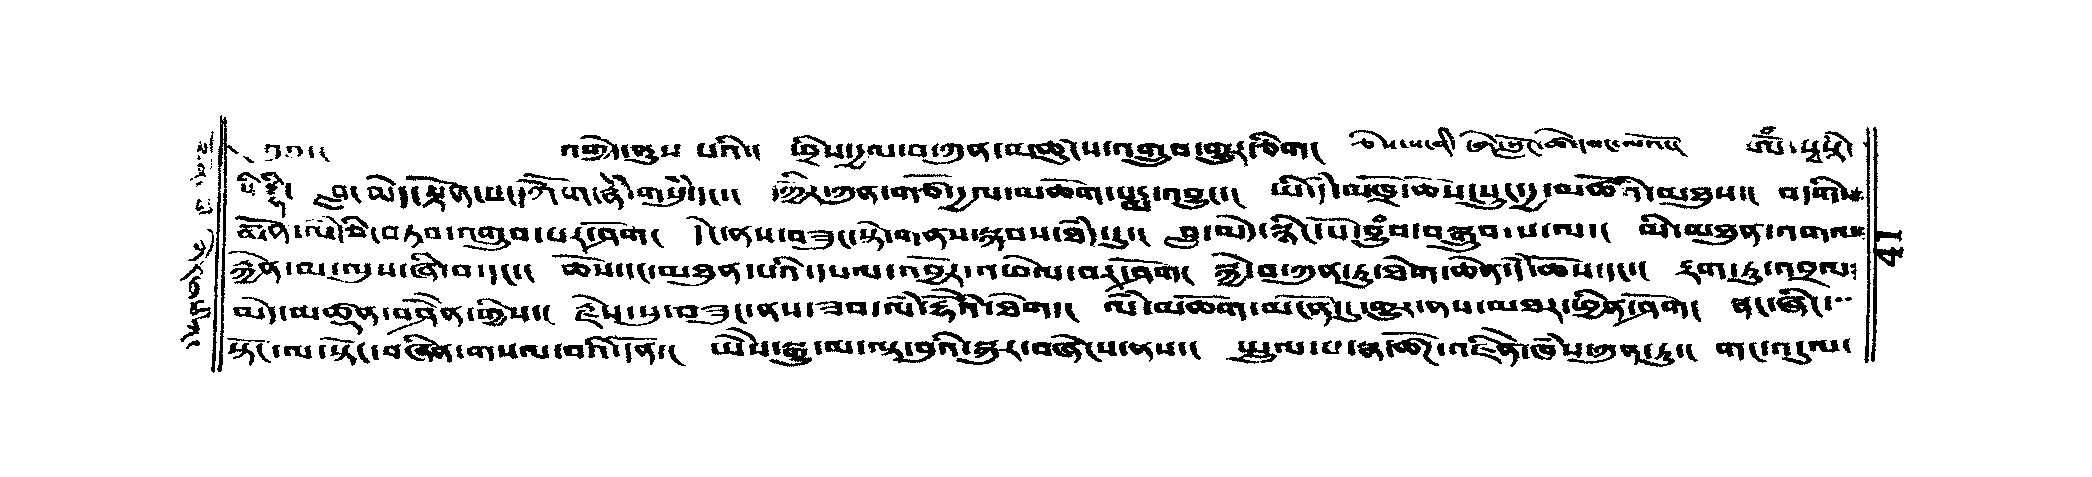འགྱེད་ནུས་པའི། །ཕྲིན་ལས་རྒྱལ་བ་ཀུན་མཚུངས་འགྲུབ་གྱུར་ཅིག ཅེས་པ་ནི་དགེ་སློང་ཚེ་དབང་ལའོ།། ཨོཾ་སྭསྟི་
སིདྡྷི། བླ་མེད་སྟོན་པ་དཀོན་མཆོག་རྣམ་གསུམ་དང་། །དཀྱིལ་འཁོར་ཀུན་གཙོ་རྒྱལ་མཆོག་པདྨ་འབྱུང་། །ཡི་དམ་མཁའ་འགྲོ་ཆོས་སྲུང་རྒྱ་མཚོའི་མཐུས། །བདག་གིས་
སྨོན་ལམ་ཅི་བཏབ་འགྲུབ་པར་ཤོག །དེང་ནས་བཟུང་སྟེ་གནས་སྐབས་ཐམས་ཅད་དུ། །བླ་མེད་སྙིང་པོ་བྱང་ཆུབ་བསྒྲུབ་པ་ལ། །མི་མཐུན་འགལ་
རྐྱེན་མ་ལུས་ཞི་བ་དང་། །ཆོས་དང་མཐུན་པའི་དཔལ་འབྱོར་འཕེལ་བར་ཤོག །སྐྱེ་བ་ཀུན་ཏུ་ཐེག་ཆེན་དམ་ཆོས་དང་། །རྟག་ཏུ་འབྲལ་
མེད་མཚན་ལྡན་བཤེས་གཉེན་གྱིས། །རྗེས་སུ་བཟུང་ནས་ཟབ་ལམ་རྡོ་རྗེའི་ཐེག །ལམ་མཆོག་མངོན་དུ་གྱུར་ནས་མཐར་ཕྱིན་ཤོག །སྣང་ཞིང་
སྟོང་ལ་སྟོང་བཞིན་གསལ་བའི་དོན། །ཡེ་ཤེས་སྒྱུ་མ་ལྟ་བུའི་སྐུར་བཞེངས་ནས། །སྤྲུལ་པ་སྣ་ཚོགས་འཇིག་རྟེན་ཁམས་ཀུན་ཏུ། །གང་འདུལ་